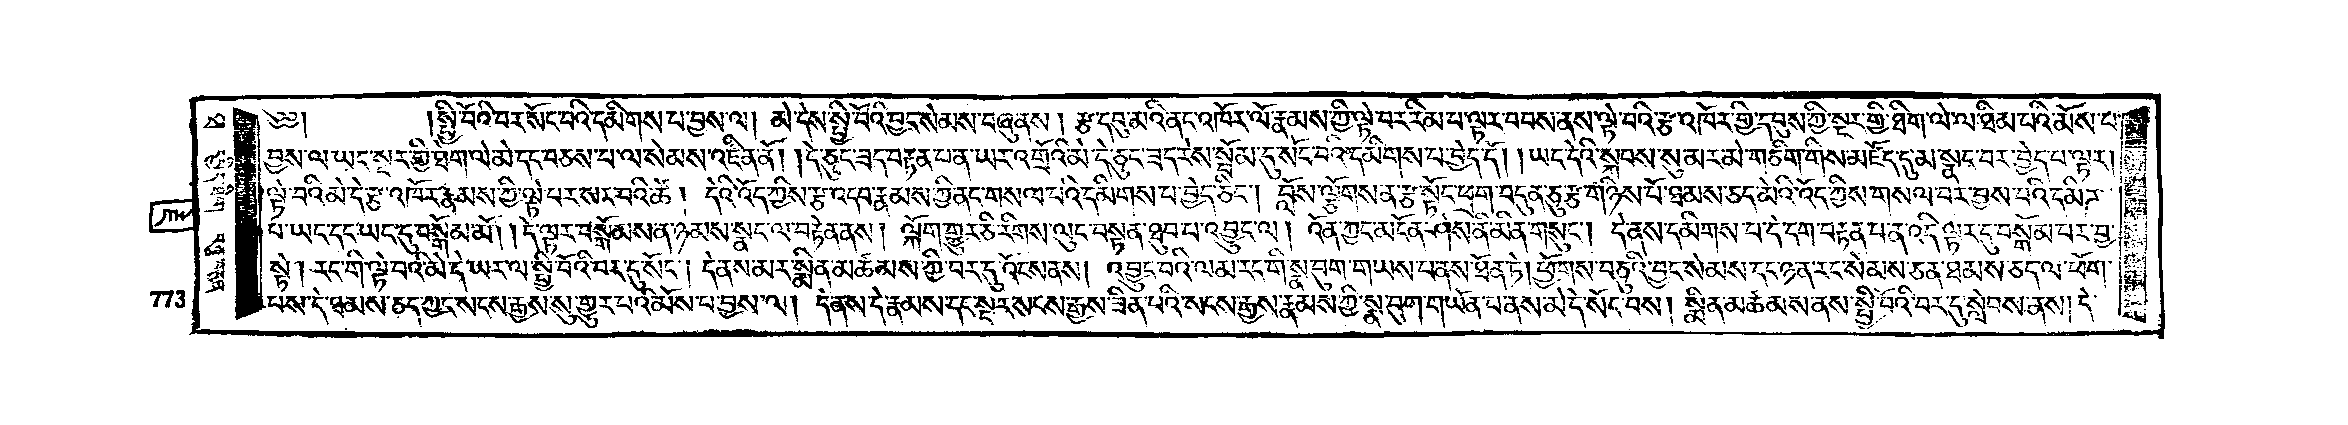༄༅། །སྤྱི་བོའི་བར་སོང་བའི་དམིགས་པ་བྱས་ལ། མེ་དེས་སྤྱི་བོའི་བྱང་སེམས་བཞུ་ནས། རྩ་དབུ་མའི་ནང་འཁོར་ལོ་རྣམས་ཀྱི་ལྟེ་བར་རིམ་པ་ལྟར་བབས་ནས་ལྟེ་བའི་རྩ་འཁོར་གྱི་དབུས་ཀྱི་སྔར་གྱི་ཐིག་ལེ་ལ་ཐིམ་པའི་མོས་པ་
བྱས་ལ་ཡང་སྔར་གྱི་ཐེག་ལེ་མེ་དང་བཅས་པ་ལ་སེམས་འཛིན་ནོ། །དེ་ཅུང་ཟད་བརྟན་པ་ན་ཡར་འགྲོའི་མེ་དེ་ཅུང་ཟད་རེས་སྦོམ་དུ་སོང་བའི་དམིགས་པ་བྱེད་དོ། །ཡང་དེའི་སྐབས་སུ་མར་མེ་གཅིག་གིས་མཛོད་དུ་མ་སྣང་བར་བྱེད་པ་ལྟར།
ལྟེ་བའི་མེ་དེ་རྩ་འཁོར་རྣམས་ཀྱི་ལྟེ་བར་སང་བའི་ཚེ། དེའི་འོད་ཀྱིས་རྩ་འདབ་རྣམས་ཀྱི་ནང་གསལ་བའི་དམིགས་པ་བྱེད་ཅིང་། བློས་ལྕོགས་ན་རྩ་སྟོང་ཕྲག་བདུན་ཅུ་རྩ་གཉིས་པོ་ཐམས་ཅད་མེའི་འོད་ཀྱིས་གསལ་བར་བྱས་པའི་དམིགས་
པ་ཡང་དང་ཡང་དུ་བསྒོམ་མོ། །དེ་ལྟར་བསྒོམས་ན་ཉམས་སྣང་ལ་བརྟེན་ནས། ལྐོག་གྱུར་ཅི་རིགས་ལུང་བསྟན་ཐུབ་པ་འབྱུང་ལ། འོན་ཀྱང་མངོན་ཤེས་ནི་མིན་གསུང་། དེ་ནས་དམིགས་པ་དེ་དག་བརྟན་པ་ན་འདི་ལྟར་དུ་བསྒོམ་པར་བྱ་
སྟེ། རང་གི་ལྟེ་བའི་མེ་དེ་ཡར་ལ་སྤྱི་བོའི་བར་དུ་སོང་། དེ་ནས་མར་སྨིན་མཚམས་ཀྱི་བར་དུ་འོངས་ནས། འབྱུང་བའི་ལམ་རང་གི་སྣ་བུག་གཡས་པ་ནས་ཐོན་ཏེ། ཕྱོགས་བཅུའི་བྱང་སེམས་དང་ཉན་རང་སེམས་ཅན་ཐམས་ཅད་ལ་ཕོག་
པས་དེ་ཐམས་ཅད་ཀྱང་སངས་རྒྱས་སུ་གྱུར་པའི་མོས་པ་བྱས་ལ། དེ་ནས་དེ་རྣམས་དང་སྔར་སངས་རྒྱས་ཟིན་པའི་སངས་རྒྱས་རྣམས་ཀྱི་སྣ་བུག་གཡོན་པ་ནས་མེ་དེ་སོང་བས། སྨིན་མཚམས་ནས་སྤྱི་བོའི་བར་དུ་སླེབས་ནས། དེ་